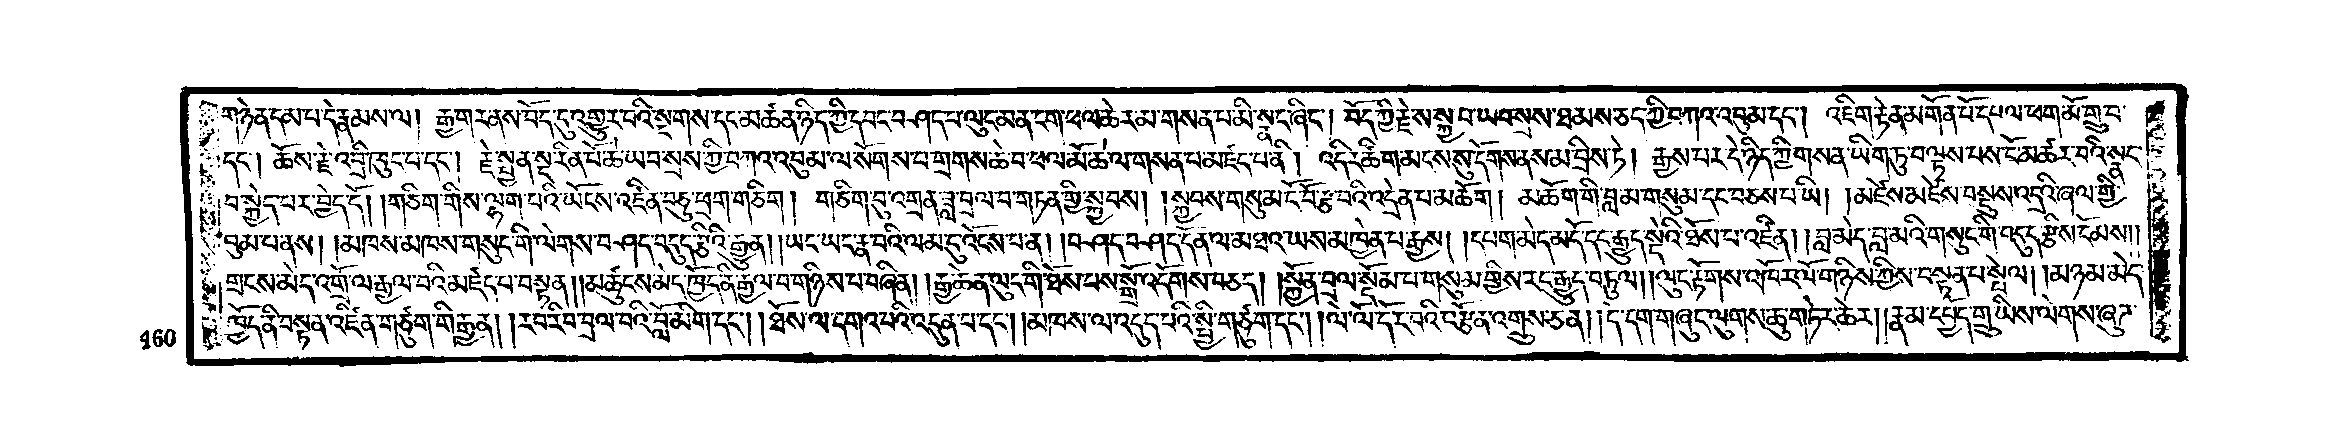གཉེན་དམ་པ་དེ་རྣམས་ལ། རྒྱ་གར་ནས་བོད་དུ་འགྱུར་བའི་སྔགས་དང་མཚན་ཉིད་ཀྱི་དབང་བཤད་པ་ལུང་མན་ངག་ཕལ་ཆེར་མ་གསན་པ་མི་སྣང་ཞིང་། བོད་ཀྱི་རྗེ་ས་སྐྱ་བ་ཡབ་སྲས་ཐམས་ཅད་ཀྱི་བཀའ་འབུམ་དང་། འཇིག་རྟེན་མགོན་པོ་དཔལ་ཕག་མོ་གྲུ་པ་
དང་། ཆོས་རྗེ་འབྲི་ཁུང་པ་དང་། རྗེ་སྤྱན་སྔ་རིན་པོ་ཆེ་ཡབ་སྲས་ཀྱི་བཀའ་འབུམ་ལ་སོགས་པ་གྲགས་ཆེ་བ་ཕལ་མོ་ཆེ་ལ་གསན་པ་མཛད་པ་ནི། འདིར་ཚིག་མངས་སུ་དོགས་ནས་མ་བྲིས་ཏེ། རྒྱས་པར་དེ་ཉིད་ཀྱི་གསན་ཡིག་ཏུ་བལྟས་པས་ངོ་མཚར་བའི་སྣང་
བ་སྐྱེད་པར་བྱེད་དོ། །གཅིག་གིས་ལྷག་པའི་ཡོངས་འཛིན་བཅུ་ཕྲག་གཅིག། གཅིག་བུ་འགྲན་ཟླ་བྲལ་བ་གཏན་གྱི་སྐྱབས། །སྐྱབས་གསུམ་ངོ་བོ་རྩ་བའི་འདྲེན་པ་མཆོག །མཆོག་གི་བླ་མ་གསུམ་དང་བཅས་པ་ཡི། །མཛེས་མཛེས་བསྡུས་འདྲའི་ཞལ་གྱི་
བུམ་པ་ནས། །མཁས་མཁས་གསུང་གི་ལེགས་བཤད་བདུད་རྩིའི་རྒྱུན། །ཡང་ཡང་རྣ་བའི་ལམ་དུ་འོངས་པ་ན། །བཤད་བཤད་དོན་ལ་མཐའ་ཡས་མཁྱེན་པ་རྒྱས། །དཔག་མེད་མདོ་དང་རྒྱུད་སྡེའི་ཐོས་པ་འཛིན། །བླ་མེད་བླ་མའི་གསུང་གི་བདུད་རྩིས་ངོམས།།
གྲངས་མེད་འགྲོ་ལ་རྒྱལ་བའི་མཛད་པ་བསྟན། །མཚུངས་མེད་ཁྱོད་ནི་རྒྱལ་བ་གཉིས་པ་བཞིན། །རྒྱ་ཆེན་ལུང་གི་ཐོས་པས་སྒྲོ་འདོགས་བཅད། །སྐྱོན་བྲལ་སྡོམ་པ་གསུམ་གྱིས་རང་རྒྱུད་བཏུལ། །ལུང་རྟོགས་འཁོར་ལོ་གཉིས་ཀྱིས་བསྟན་པ་སྤེལ། །མཉམ་མེད་
ཁྱོད་ནི་བསྟན་འཛིན་གཙུག་གི་རྒྱན། །རབ་རིབ་བྲལ་བའི་བློ་མིག་དང་། །ཐོས་ལ་དགའ་པའི་འདུན་པ་དང་། །མཁས་ལ་འདུད་པའི་སྤྱི་གཙུག་དང་། །ལེ་ལོ་དོར་བའི་བརྩོན་འགྲུས་ཅན། །དེ་དག་གཞུང་ལུགས་ཆུ་གཏེར་ཆེར། །རྣམ་དཔྱོད་གྲུ་ཡིས་ལེགས་ཞུགས་